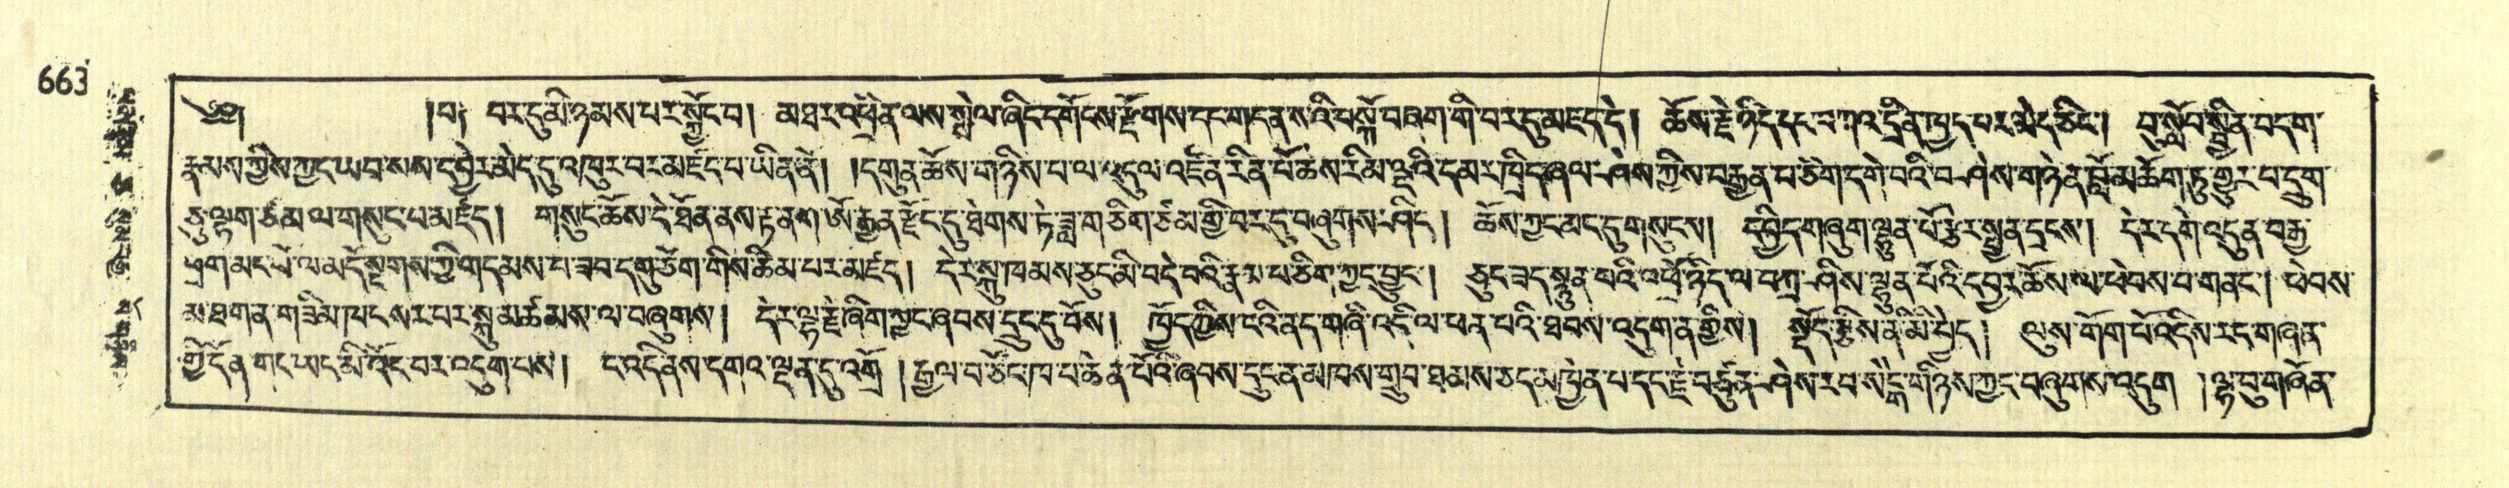༄༅། །བ༑ བར་དུ་མི་ཉམས་པར་སྐྱོང་བ། མཐར་འཕྲིན་ལས་སྤེལ་ཞིང་དགོངས་རྫོགས་དང་གདན་སའི་བསྐོ་བཞག་གི་བར་དུ་མཛད་དེ། ཆོས་རྗེ་ཉིད་དང་བཀའ་དྲིན་ཁྱད་པར་མེད་ཅིང་། བུ་སློབ་སྦྱིན་བདག་
རྣམས་ཀྱིས་ཀྱང་ཡབ་སས་དབྱེར་མེད་དུ་འཁུར་བར་མཛད་པ་ཡིན་ནོ། །དགུན་ཆོས་གཉིས་པ་ལ་འདུལ་འཛིན་རིན་པོ་ཆེས་རིམ་ལྔའི་དམར་ཁྲིད་ཞལ་ཤེས་ཀྱིས་བརྒྱན་པ་ཅིག་དགེ་བའི་བཤེས་གཉེན་བློ་མཆོག་ཏུ་གྱུར་པ་དྲུག་
ཅུ་ལྷག་ཙམ་ལ་གསུང་པ་མཛད། གསུང་ཆོས་དེ་ཐོན་ནས་རྟ་ནག་ཨོ་རྒྱན་རྫོང་དུ་ཐེགས་ཏེ་ཟླ་གཅིག་ཙམ་གྱི་བར་དུ་བཞུགས་ཤིང་། ཆོས་ཀྱང་མང་དུ་གསུངས། དཔྱིད་གཞུག་ལྷུན་པོ་རྩེར་སྤྱན་དྲངས། དེར་དགེ་འདུན་བརྒྱ་
ཕྲག་མང་པོ་ལ་མདོ་སྔགས་ཀྱི་གདམས་བ་ཟབ་དགུ་ཅོག་གིས་ཚིམ་པར་མཛད། དེར་སྐུ་ཁམས་ཅུང་མི་བདེ་བའི་རྣམ་པ་ཅིག་ཀྱང་བྱུང་། ཅུང་ཟད་སྙུན་པའི་འཕྲོ་ཉིད་ལ་བཀྲ་ཤིས་ལྷུན་པོའི་དབྱར་ཆོས་ལ་ཕེབས་བ་གནང་། ཕེབས་
མ་ཐག་ན་གཟིམ་ཁང་སར་པར་སྐུ་མཚམས་ལ་བཞུགས། དེར་ལྷ་རྗེ་ཞིག་ཀྱང་ཞབས་དྲུང་དུ་བོས། ཁྱོད་ཀྱིས་ངའི་ནད་གཞི་འདི་ལ་ཕན་པའི་ཐབས་འདུག་ན་གྱིས། སྡོད་རྩིས་ན་མི་བྱེད། ལུས་གོག་པོ་འདིས་རང་གཞན་
གྱི་དོན་གང་ཡང་མི་འོང་བར་འདུག་པས། ང་འདི་ནས་དགའ་ལྡན་དུ་འགྲོ་།རྒྱལ་བ་ཙོང་ཁ་པ་ཆེན་པོའི་ཞབས་དྲུང་ན་མཁས་གྲུབ་ཐམས་ཅད་མཁྱེན་པ་དང་རྗེ་བཙུན་ཤེས་རབ་སེངྒེ་གཉིས་ཀྱང་བཞུགས་འདུག །ལྷ་བུ་གཞོན་